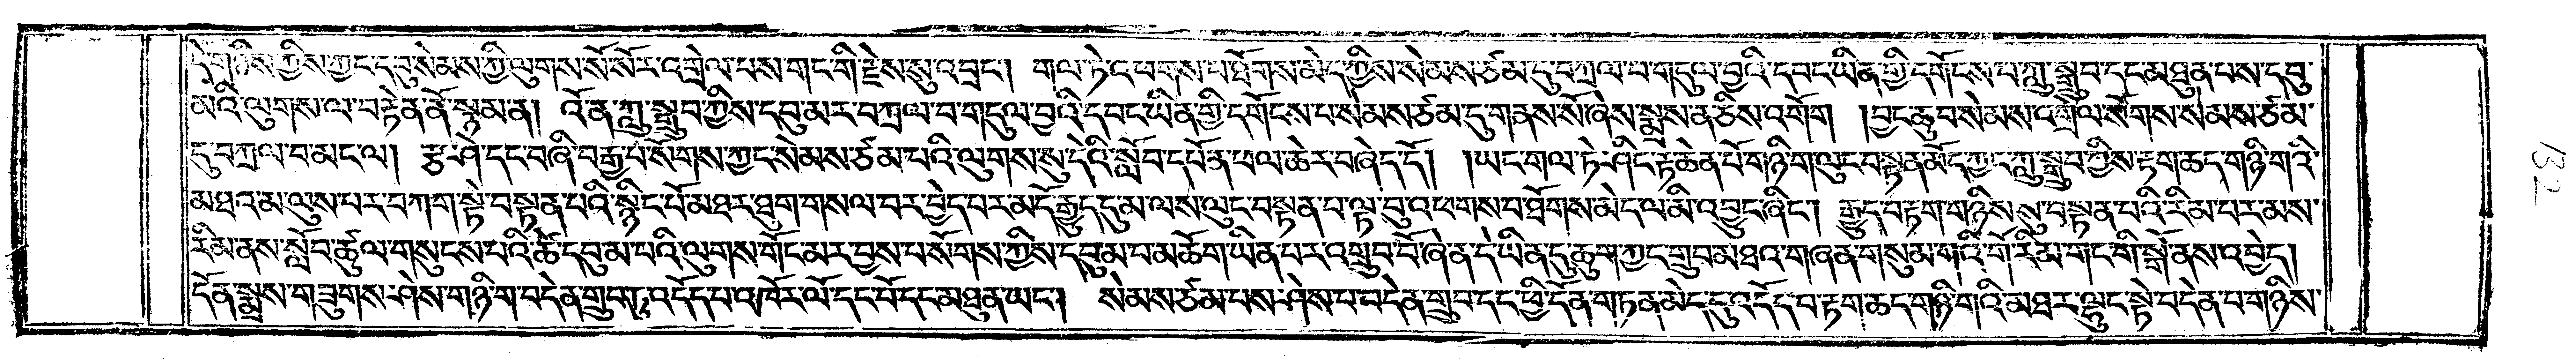དེ་གཉིས་ཀྱིས་ཀྱང་དབུ་སེམས་ཀྱི་ལུགས་སོ་སོར་འགྲེལ་པས་གང་གི་རྗེས་སུ་འབྲེང་། གལ་ཏེ་འཕགས་པ་ཐོགས་མེད་ཀྱིས་སེམས་ཙམ་དུ་བཀྲལ་བ་གདུལ་བྱའི་དབང་ཡིན་གྱི་དགོངས་པ་ཀླུ་སྒྲུབ་དང་མཐུན་པས་དབུ་
མའི་ལུགས་ལ་བརྟེན་ནོ་སྙམ་ན། འོ་ན་ཀླུ་སྒྲུབ་ཀྱིས་དབུ་མར་བཀྲལ་བ་གདུལ་བྱའི་དབང་ཡིན་གྱི་དགོངས་པ་སེམས་ཙམ་དུ་གནས་སོ་ཞེས་སྨྲས་ན་ཅིས་འགོག །བྱང་ཆུབ་སེམས་འགྲེལ་སོགས་སེམས་ཙམ་
དུ་བཀྲལ་བ་མང་ལ། རྩ་ཤེ་དང་བཞི་བརྒྱ་པ་སོགས་ཀྱང་སེམས་ཙམ་བའི་ལུགས་སུ་དེའི་སློབ་དཔོན་ཕལ་ཆེར་བཞེད་དོ། །ཡང་གལ་ཏེ་ཤིང་རྟ་ཆེན་པོ་གཉི་ག་ལུང་བསྟན་མོད་ཀྱང་ཀླུ་སྒྲུབ་ཀྱིས་རྟག་ཆད་གཉི་གའི་
མཐའ་མ་ལུས་པར་བཀག་སྟེ་བསྟན་པའི་སྙིང་པོ་མཐར་ཐུག་གསལ་བར་བྱེད་པར་མདོ་རྒྱུད་དུ་མ་ལས་ལུང་བསྟན་པ་ལྟ་བུ་འཕགས་པ་ཐོགས་མེད་ལ་མི་འབྱུང་ཞིང་། རྒྱུད་བརྟག་གཉིས་སུ་བསྟན་པའི་རིམ་པར་མས་
རིམ་ནས་སློབ་ཚུལ་གསུངས་པའི་ཚེ་དབུ་མ་པའི་ལུགས་གོང་མར་བྱས་པ་སོགས་ཀྱིས་དབུ་མ་པ་མཆོག་ཡིན་པར་འགྲུབ་བོ་ཞེ་ན་དེ་ཡིན་དུ་ཆུག་ཀྱང་གྲུབ་མཐའ་གཞན་གསུམ་གའི་གོ་རིམ་གང་གི་སྒོ་ནས་འབྱད།
དོན་སྨྲས་གཟུགས་ཤེས་གཉི་ག་བདེན་གྲུབ་ཏུ་འདོད་པ་འཁོར་ལོ་དང་པོ་དང་མཐུན་ཡང་། སེམས་ཙམ་པས་ཤེས་པ་བདེན་གྲུབ་དང་ཕྱི་དོན་གཏན་མེད་དུ་འདོད་པ་རྟག་ཆད་གཉི་གའི་མཐར་ལྷུང་སྟེ་བདེན་པ་གཉིས་